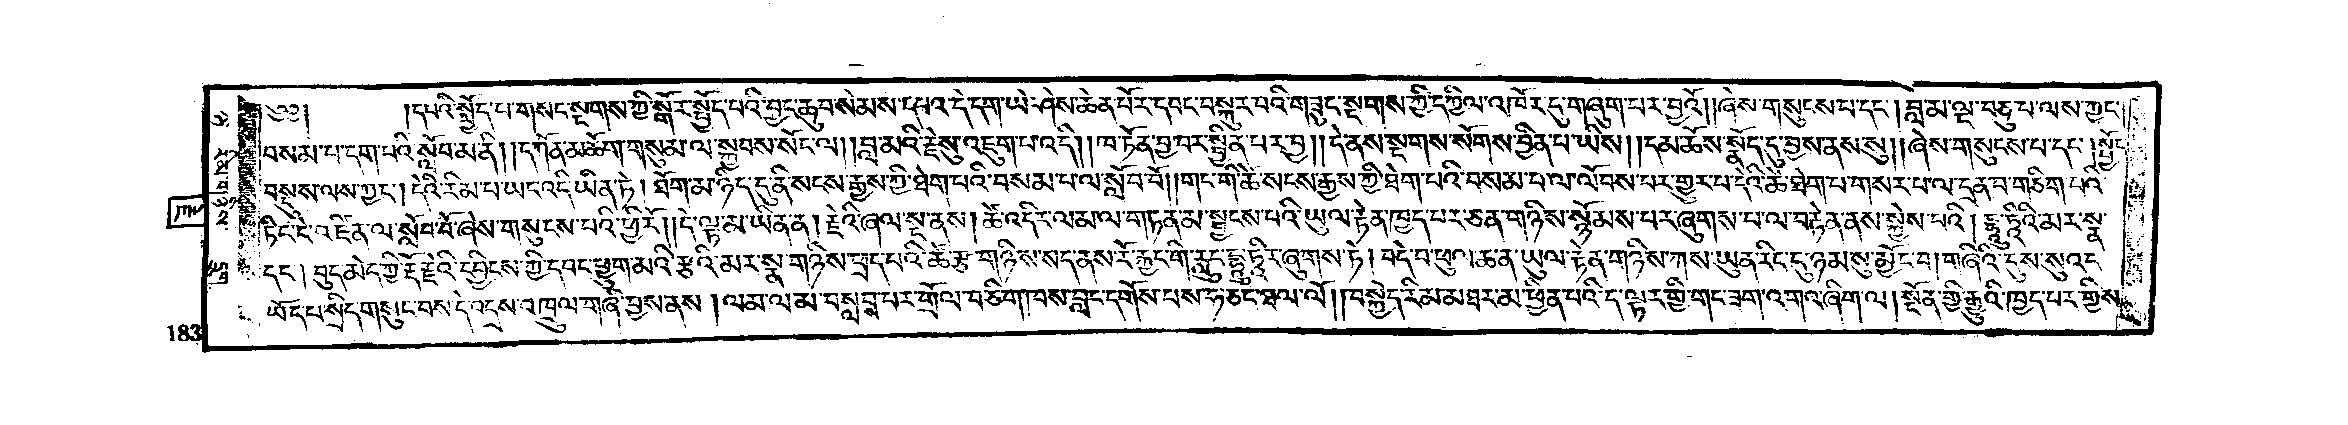༄༅། །དཔའི་སྤྱོད་པ་གསང་སྔགས་ཀྱི་སྒོར་སྤྱོད་པའི་བྱང་ཆུབ་སེམས་དཔའ་དེ་དག་ཡེ་ཤེས་ཆེན་པོར་དབང་བསྐུར་བའི་གཟུང་སྔགས་ཀྱི་དཀྱིལ་འཁོར་དུ་གཞུག་པར་བྱའོ། །ཞེས་གསུངས་པ་དང་། བླ་མ་ལྔ་བཅུ་པ་ལས་ཀྱང་།
བསམ་པ་དག་པའི་སློབ་མ་ནི། །དཀོན་མཆོག་གསུམ་ལ་སྐྱབས་སོང་ལ། །བླ་མའི་རྗེས་སུ་འཇུག་པ་འདི། །ཁ་ཏོན་བྱ་བར་སྦྱིན་པར་བྱ། །དེ་ནས་སྔགས་སོགས་བྱིན་པ་ཡིས། །དམ་ཆོས་སྣོད་དུ་བྱས་ནས་སུ། །ཞེས་གསུངས་པ་དང་། སྤྱོད་
བསྡུས་ལས་ཀྱང་། དེའི་རིམ་པ་ཡང་འདི་ཡིན་ཏེ། ཐོག་མ་ཉིད་དུ་ནི་སངས་རྒྱས་ཀྱི་ཐེག་པའི་བསམ་པ་ལ་སློབ་བོ། །གང་གི་ཚེ་སངས་རྒྱས་ཀྱི་ཐེག་པའི་བསམ་པ་ལ་ལོབས་པར་གྱུར་པ་དེའི་ཚེ་ཐེག་པ་གསར་པ་ལ་དྲན་བ་གཅིག་པའི་
ཏིང་ངེ་འཛིན་ལ་སློབ་བོ་ཞེས་གསུངས་པའི་ཕྱིར་རོ། །དེ་ལྟ་མ་ཡིན་ན། རྗེའི་ཞལ་སྔ་ནས། ཚེ་འདིར་ལམ་ལ་གཏན་མ་སྦྱངས་པའི་ཡུལ་རྟེན་ཁྱད་པར་ཅན་གཉིས་སྙོམས་པར་ཞུགས་པ་ལ་བརྟེན་ནས་སྐྱེས་པའི། དྷཱུ་ཏཱིའི་མར་སྣ་
དང་། བུད་མེད་ཀྱི་རྡོ་རྗེའི་དབྱིངས་ཀྱི་དབང་ཕྱུག་མའི་རྩའི་མར་སྣ་གཉིས་ཕྲད་པའི་ཚེ་རྩ་གཉིས་སད་ནས་རོ་རྐྱང་གི་རླུང་དྷཱུ་ཏཱིར་ཞུགས་ཏེ། བདེ་བ་ཕུལ་ཆ་ན་ཡུལ་རྟེན་གཉིས་ཀས་ཡུན་རིང་དུ་ཉམས་སུ་མྱོང་བ། གཞིའི་དུས་སུའང་
ཡོད་པ་སྲིད་གསུང་བས་དེ་འདྲས་འཁྲུལ་གཞི་བྱས་ནས། ལམ་ལ་མ་བསླབས་པར་གྲོལ་བ་ཅིག་ཁས་བླང་དགོས་པས་ཧ་ཅང་ཐལ་ལོ། །བསྐྱེད་རིམ་མཐར་མ་ཕྱིན་པའི་ད་ལྟར་གྱི་གང་ཟག་འགའ་ཞིག་ལ། སྔོན་གྱི་རྒྱུའི་ཁྱད་པར་གྱིས་